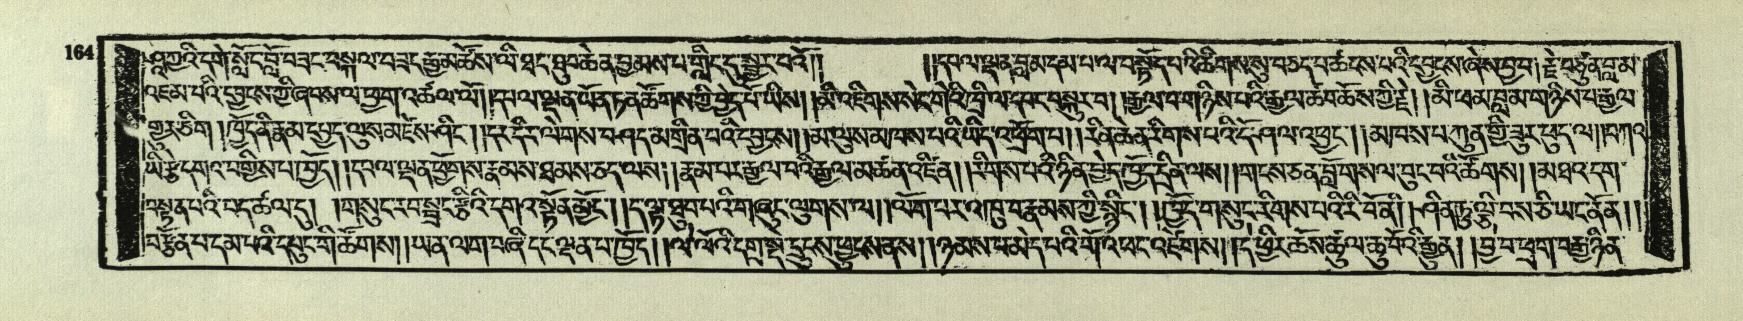ཤཱཀྱའི་དགེ་སློང་བློ་བཟང་བསྐལ་བཟང་རྒྱ་མཚོས་ལི་ཐང་ཐུབ་ཆེན་བྱམས་པ་གླིང་དུ་སྦྱར་བའོ།། །།དཔལ་ལྡན་བླ་མ་དམ་པ་ལ་བསྟོད་པའི་ཚིགས་སུ་བཅད་པ་ཚངས་པའི་དབྱངས་ཞེས་བྱ་བ། རྗེ་བཙུན་བླ་མ་
འཇམ་པའི་དབྱངས་ཀྱི་ཞབས་ལ་ཕྱག་འཚལ་ལོ། །དཔལ་ལྡན་ཡོན་ཏན་ཚོགས་ཀྱི་བྱེད་པོ་ཡིས། །མི་འཇིགས་སེང་གེའི་ཁྲི་ལ་དབང་བསྐུར་བ། །རྒྱལ་བ་གཉིས་པའི་རྒྱལ་ཚབ་ཆོས་ཀྱི་རྗེ། །མི་ཕམ་བླ་མ་གཉིས་པ་རྒྱལ་
གྱུར་ཅིག །ཁྱོད་ནི་རྣམ་དཔྱད་ལུས་མཛེས་ཤིང་། །དར་དིར་ལེགས་བཤད་མགྲིན་པའི་དབྱངས། །མ་ལུས་མཁས་པའི་ཡིད་འཕྲོག་པ། །རིན་ཆེན་རིགས་པའི་དོ་ཤལ་འཕྱང་། །མཁས་པ་ཀུན་གྱི་ཟུར་ཕུད་ལ། །བཀའ་
ཡི་རྩེ་དགའ་བགྱིས་པ་ཁྱོད། །དཔལ་ལྡན་ཕྱོགས་རྣམས་ཐམས་ཅད་ལས། །རྣམ་པར་རྒྱལ་བའི་རྒྱལ་མཚན་འཛིན། །རིགས་པའི་ཉིན་བྱེད་ཁྱོད་དྲིན་ལས། །གངས་ཅན་བློ་གསལ་བུང་བའི་ཚོགས། །མཐའ་དག་
བསྟན་པའི་པད་ཚལ་དུ། །གསུང་རབ་སྦྲང་རྩིའི་དགའ་སྟོན་མྱོང་། །ད་ལྟ་ཐུབ་པའི་གཞུང་ལུགས་ལ། །ལོག་པར་འཁུ་བ་རྣམས་ཀྱི་སྙིང་། །ཁྱོད་གསུང་རིགས་པའི་རི་བོ་ནི། །ཤིན་ཏུ་ལྕི་བས་ཅི་ཡང་ནོན།།
བརྩོན་པ་དམ་པའི་དཔུང་གི་ཚོགས། །ཡན་ལག་བཞི་དང་ལྡན་པ་ཁྱོད། །ལ་ལོའི་དགྲ་སྡེ་དྲུངས་ཕྱུངས་ནས། །ཉམས་པ་མེད་པའི་གོ་འཕང་འཛེགས། །དེ་ཕྱིར་ཆོས་ཚུལ་ཆུ་བོའི་རྒྱུན། །བྱེ་བ་ཕྲག་བརྒྱ་ཉིན་